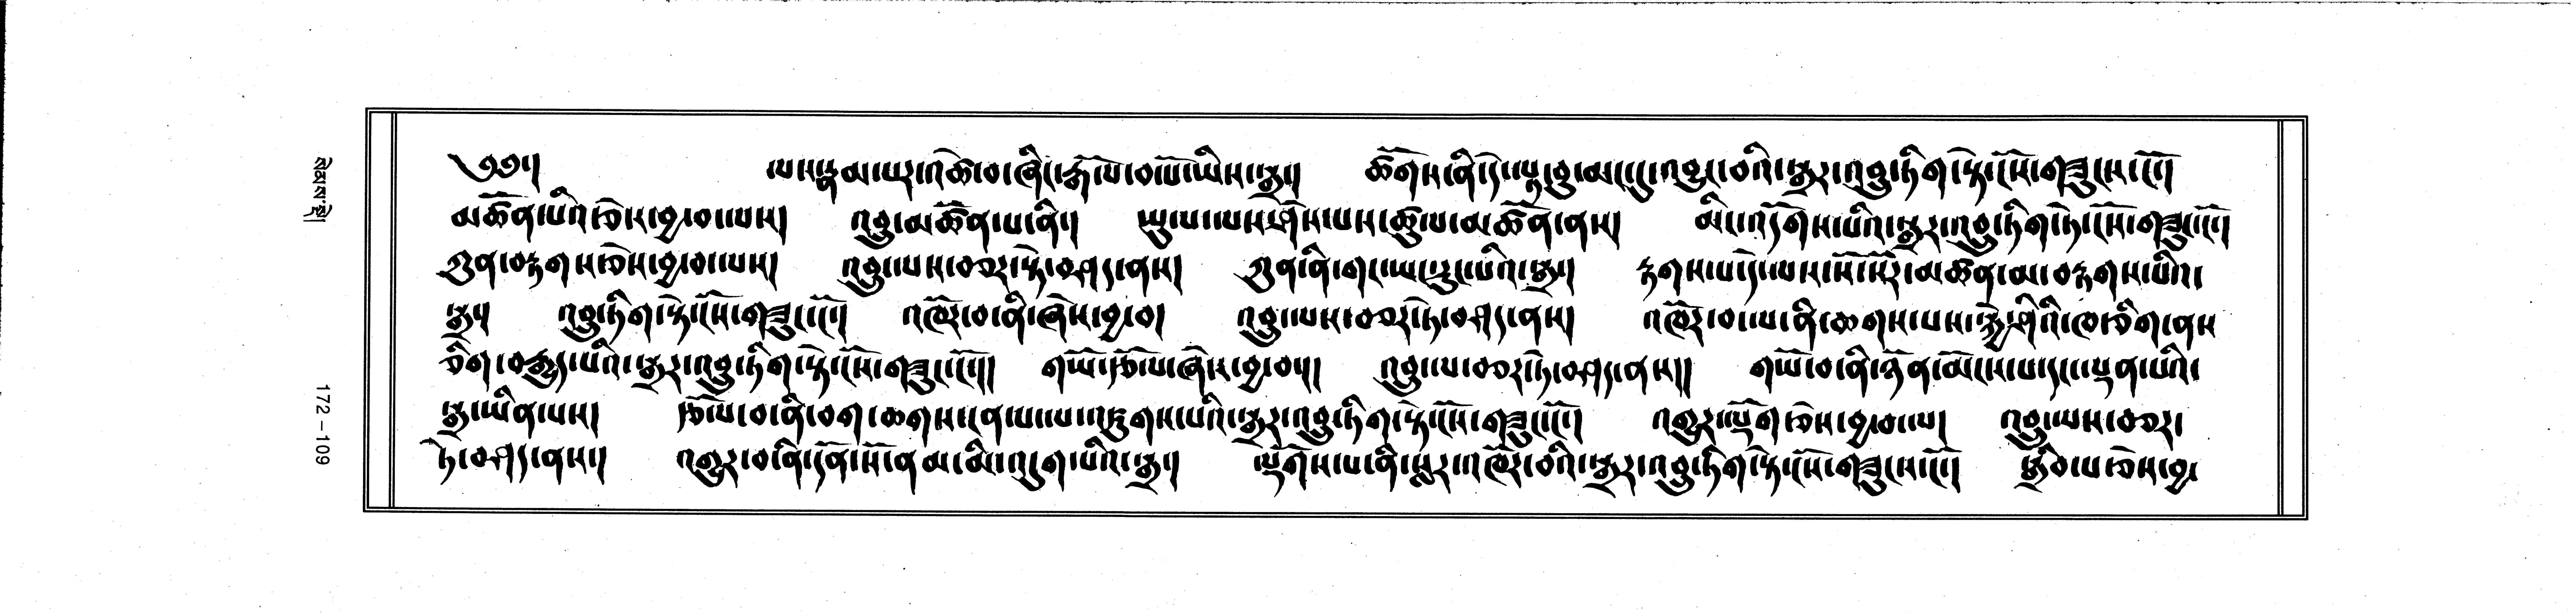ལས་རྣམ་པར་འཚེ་བ་ཞིང་རྒོལ་བ་པོ་ཡིས་སྒྲ། ཚོགས་ནི་དེ་ལྟ་བུ་མང་དུ་འབྱུང་བའི་སྒྲར་འབྲུ་ཏིག་ངོས་གཟུངས་ངོ་། 
མཚོན་པའི་ཅེས་བྱ་བ་ལས། འབྲུ་མཚོན་པ་ནི། ཡུལ་ལས་ཤེས་པས་ཚུལ་མཚོན་ནས། མིང་འདོགས་པའི་སྒྲར་འབྲུ་ཏིག་སྟེ་ངོས་གཟུང་ངོ་། 
ཀུན་བརྟགས་ཅེས་བྱ་བ་ལས། འབྲུ་ལས་བཅར་སྟེ་བཤད་ནས། ཀུན་ནི་གང་ཡང་རུང་པའི་སྒྲ། རྟགས་པ་དེ་ལས་སོ་སོར་མཚན་མ་བརྟགས་པའི་
སྒྲ། འབྲུ་ཏིག་སྟེ་ངོས་གཟུངས་ངོ་། འཁོར་བ་ནི་ཞེས་བྱ་བ། འབྲུ་ལས་བཅར་ཏེ་བཤད་ནས། འཁོར་བ་ལ་ནི་ཆགས་པས་སྐྱེ་ཤིའི་ཁ་ཅིག་ནས་
ཅིག་བརྒྱུད་པའི་སྒྲར་འབྲུ་ཏིག་སྟེ་ངོས་གཟུངས་ངོ་། གཡོ་རྩོལ་ཞེས་བྱ་བ། འབྲུ་ལ་བཅར་ཏེ་བཤད་ནས། གཡོ་བ་ནི་ཉོན་མོངས་པ་དང་ལྡན་པའི་
སྒྲ་ཡིན་པས། རྩོལ་བ་ནི་བག་ཆགས་ངན་པ་ལ་འཇུགས་པའི་སྒྲར་འབྲུ་ཏིག་སྟེ་ངོས་གཟུངས་ངོ་། འགྱུར་ལྡོག་ཅེས་བྱ་བ་ལ། འབྲུ་ལས་བཅར་
ཏེ་བཤད་ནས། འགྱུར་བ་ནི་དོན་སོ་ནམ་མི་འདུག་པའི་སྒྲ། ལྡོགས་པ་ནི་སླར་འཁོར་བའི་སྒྲར་འབྲུ་ཏིག་སྟེ་ངོས་གཟུངས་ངོ་། སྒྲིབ་པ་ཅེས་བྱ་